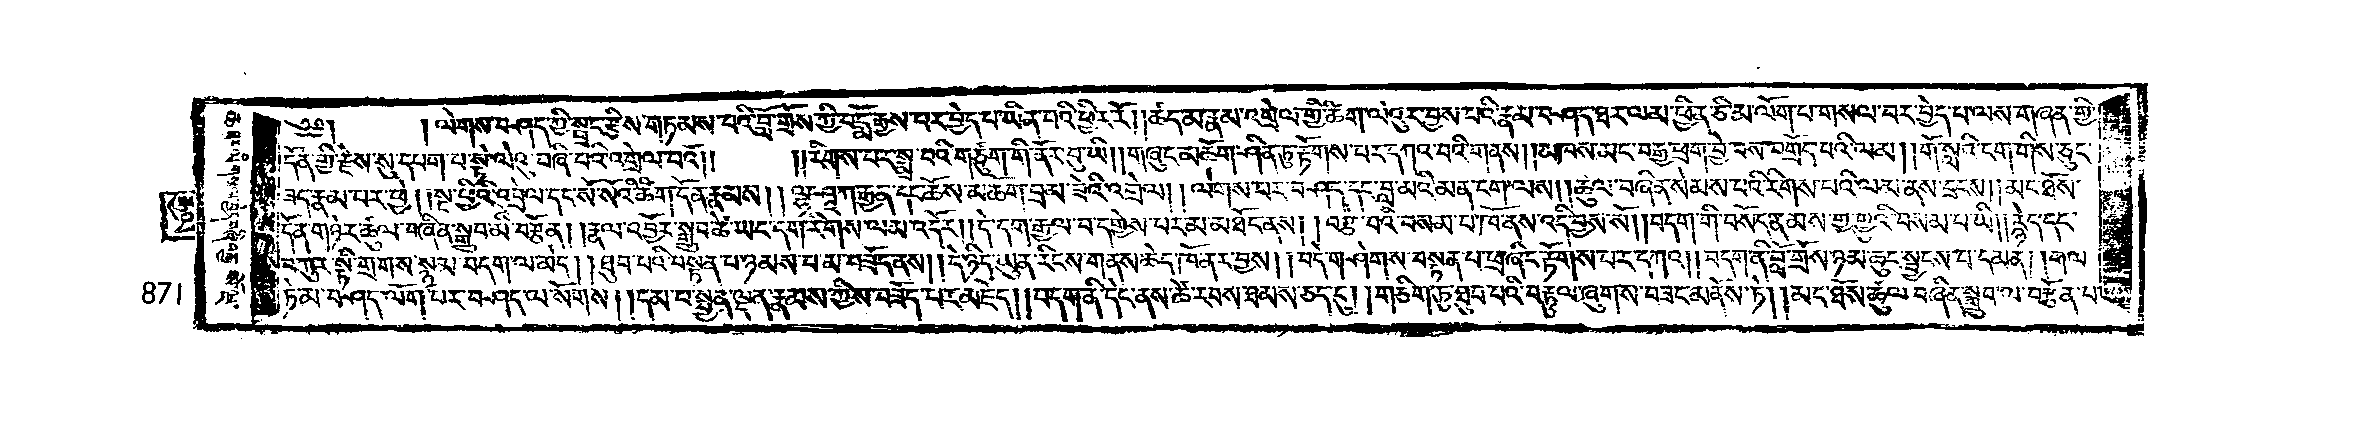༄༅། །ལེགས་བཤད་ཀྱི་སྦྲང་རྩིས་གཏམས་པའི་བློ་གྲོས་ཀྱི་པདམོ་རྒྱས་པར་བྱེད་པ་ཡིན་པའི་ཕྱིར་རོ། །ཚད་མ་རྣམ་འགྲེལ་གྱི་ཚིག་ལེའུར་བྱས་པའི་རྣམ་བཤད་ཐར་ལམ་ཕྱིན་ཅི་མ་ལོག་པ་གསལ་བར་བྱེད་པ་ལས་གཞན་གྱི་
དོན་གྱི་རྗེས་སུ་དཔག་པ་སྟེ་ལེའུ་བཞི་པའི་འགྲེལ་བའོ།། །།རིགས་པར་སྨྲ་བའི་གཙུག་གི་ནོར་བུ་ཡི། །གཞུང་མཆོག་ཤིན་ཏུ་རྟོགས་པར་དཀའ་བའི་གནས། །མཁས་མང་བརྒྱ་ཕྲག་བྱེ་བས་བགྲོད་པའི་ལམ། །གོ་སླའི་ངག་གིས་ཅུང་
ཟད་རྣམ་པར་ཕྱེ། །སྔ་ཕྱིའི་འབྲེལ་དང་སོ་སོའི་ཚིག་དོན་རྣམས། །ལྷ་ཤཱ་ཀ་རྒྱན་དང་ཆོས་མཆོག་བྲམ་ཟེའི་འགྲེལ། །ལེགས་པར་བཤད་དང་བླ་མའི་མན་ངག་ལས། །ཚུལ་བཞིན་སེམས་པའི་རིགས་པའི་ལམ་ནས་དྲངས། །མང་ཐོས་
དོན་གཉེར་ཚུལ་བཞིན་སྒྲུབ་མི་བརྩོན། །རྣལ་འབྱོར་སྒྲུབ་ཚེ་ཡང་དག་རིགས་ལམ་འདོར། །དེ་དག་རྒྱལ་བ་དགྱེས་པར་མ་མཐོང་ནས། །བརྩེ་བའི་བསམ་པ་ཁོ་ནས་འདི་བྱས་སོ། །བདག་གི་བསོད་ནམས་གྱ་གྱུའི་བསམ་པ་ཡི། །རྙེད་དང་
བཀུར་སྟི་གྲགས་སྙམ་བདག་ལ་མེད། །ཐུབ་པའི་བསྟན་པ་ཉམས་པ་མ་བཟོད་ནས། །དེ་ཉིད་ཡུན་རིངས་གནས་ཆེད་ཁོ་ནར་བྱས། །བདེ་གཤེགས་བསྟན་པ་ཕྲ་ཞིང་རྟོགས་པར་དཀའ། །བདག་ནི་བློ་གྲོས་ཉམ་ཆུང་སྦྱངས་པ་དམན། །གལ་
ཏེ་མ་བཤད་ལོག་པར་བཤད་ལ་སོགས། །དམ་པ་སྤྱན་ལྡན་རྣམས་ཀྱིས་བཟོད་པར་མཛད། །བདག་ནི་དེང་ནས་ཚེ་རབས་ཐམས་ཅད་དུ། །གཅིག་ཏུ་ཐུབ་པའི་བརྟུལ་ཞུགས་བཟང་མནོས་ཏེ། །མང་ཐོས་ཚུལ་བཞིན་སྒྲུབ་ལ་བརྩོན་པ་